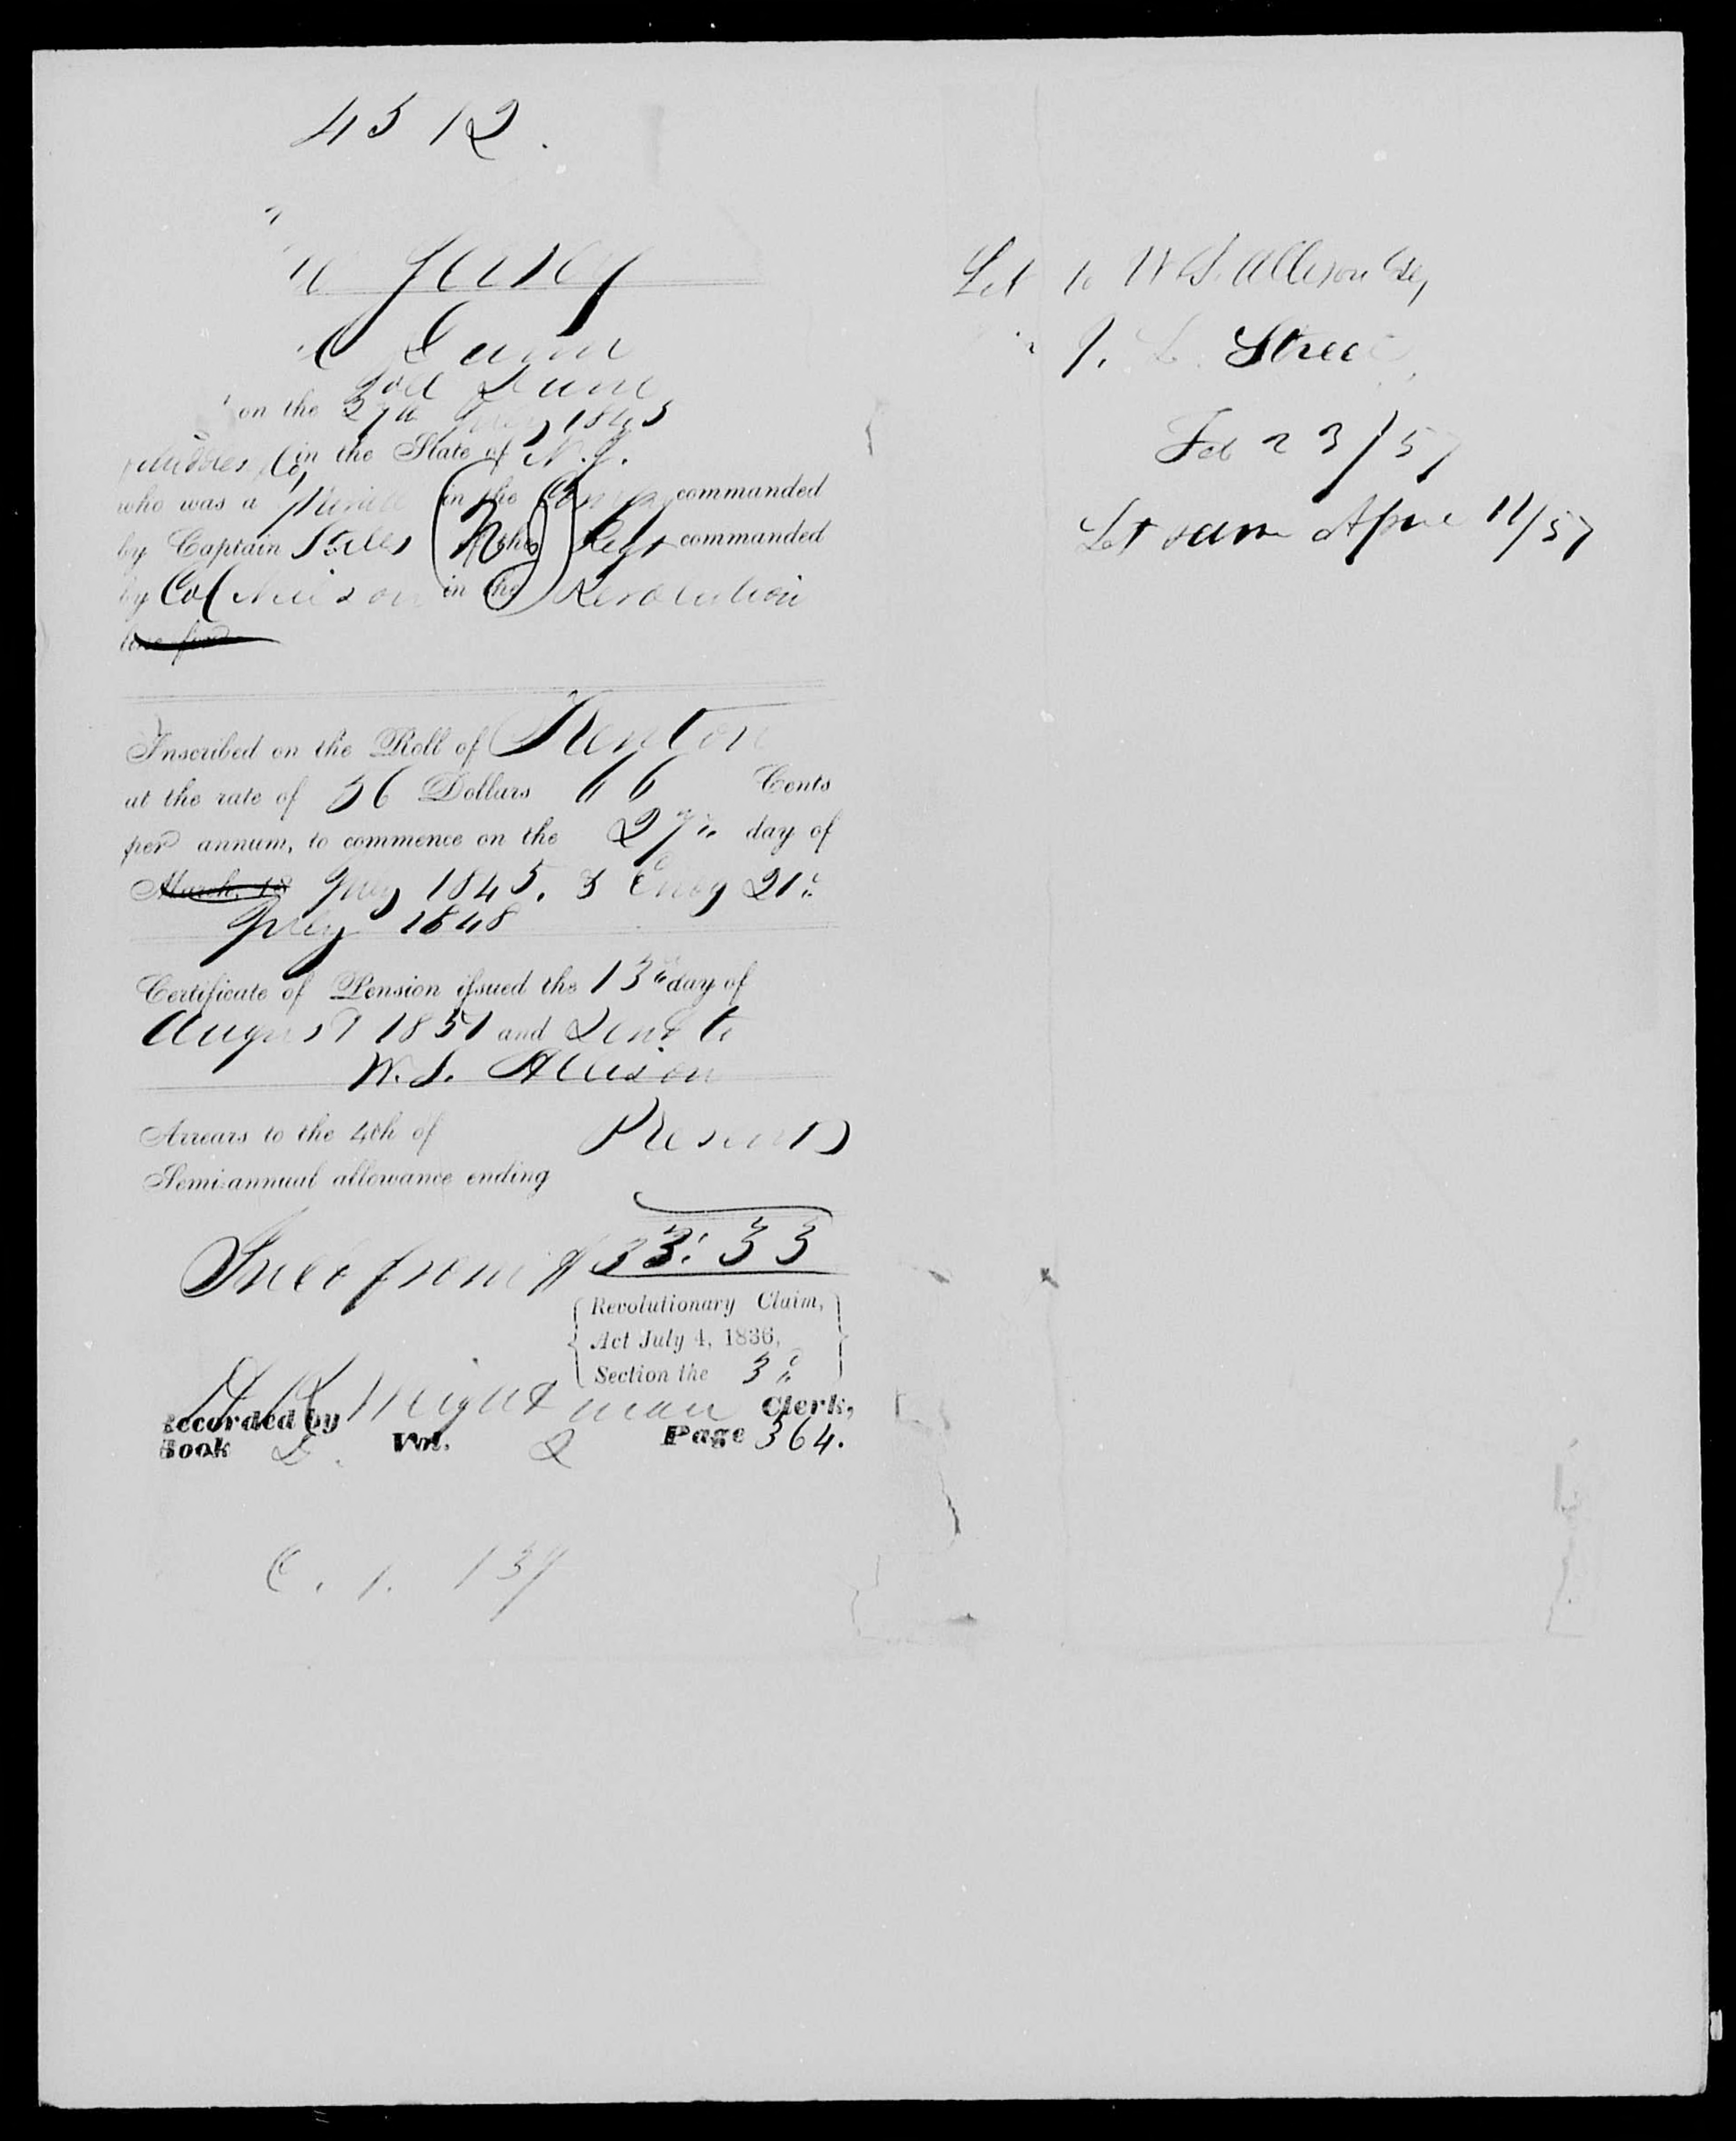[left side of page, printed form with handwritten entries]
4512
N. Jersey
[illegible]
Joel Dunn on the 27th May 1845 Middlesex Co, in the State of N. J. who was a private in the Compy commanded by Captain Stiles of the (NJ) Regt commanded by Col Neilson in the Revolution [two print words crossed out]
Inscribed on the Roll of Trenton at the rate of 56 Dollars 66 Cents per annum, to commence on the 27th day of ["March, 18" crossed out] May 1845, & endg 21st July 1848
Certificate of Pension issued the 13th day of August 1851 and sent to W. S. Allison
Arrears to the 4th of  Present
Semiannual allowance ending
[illegible] $33:33
{Revolutionary Claim, Act July 4, 1836, Section the 3d}
Recorded by H K Wrightman Clerk, Book, C Vol. 2 Page 364.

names: W S Allison, H K Wrightman, J L Street, Stiles, W S Allison, Neilson, Dunn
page: 4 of 52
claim: widow's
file: W. 919, Joel Dunn, New Jersey